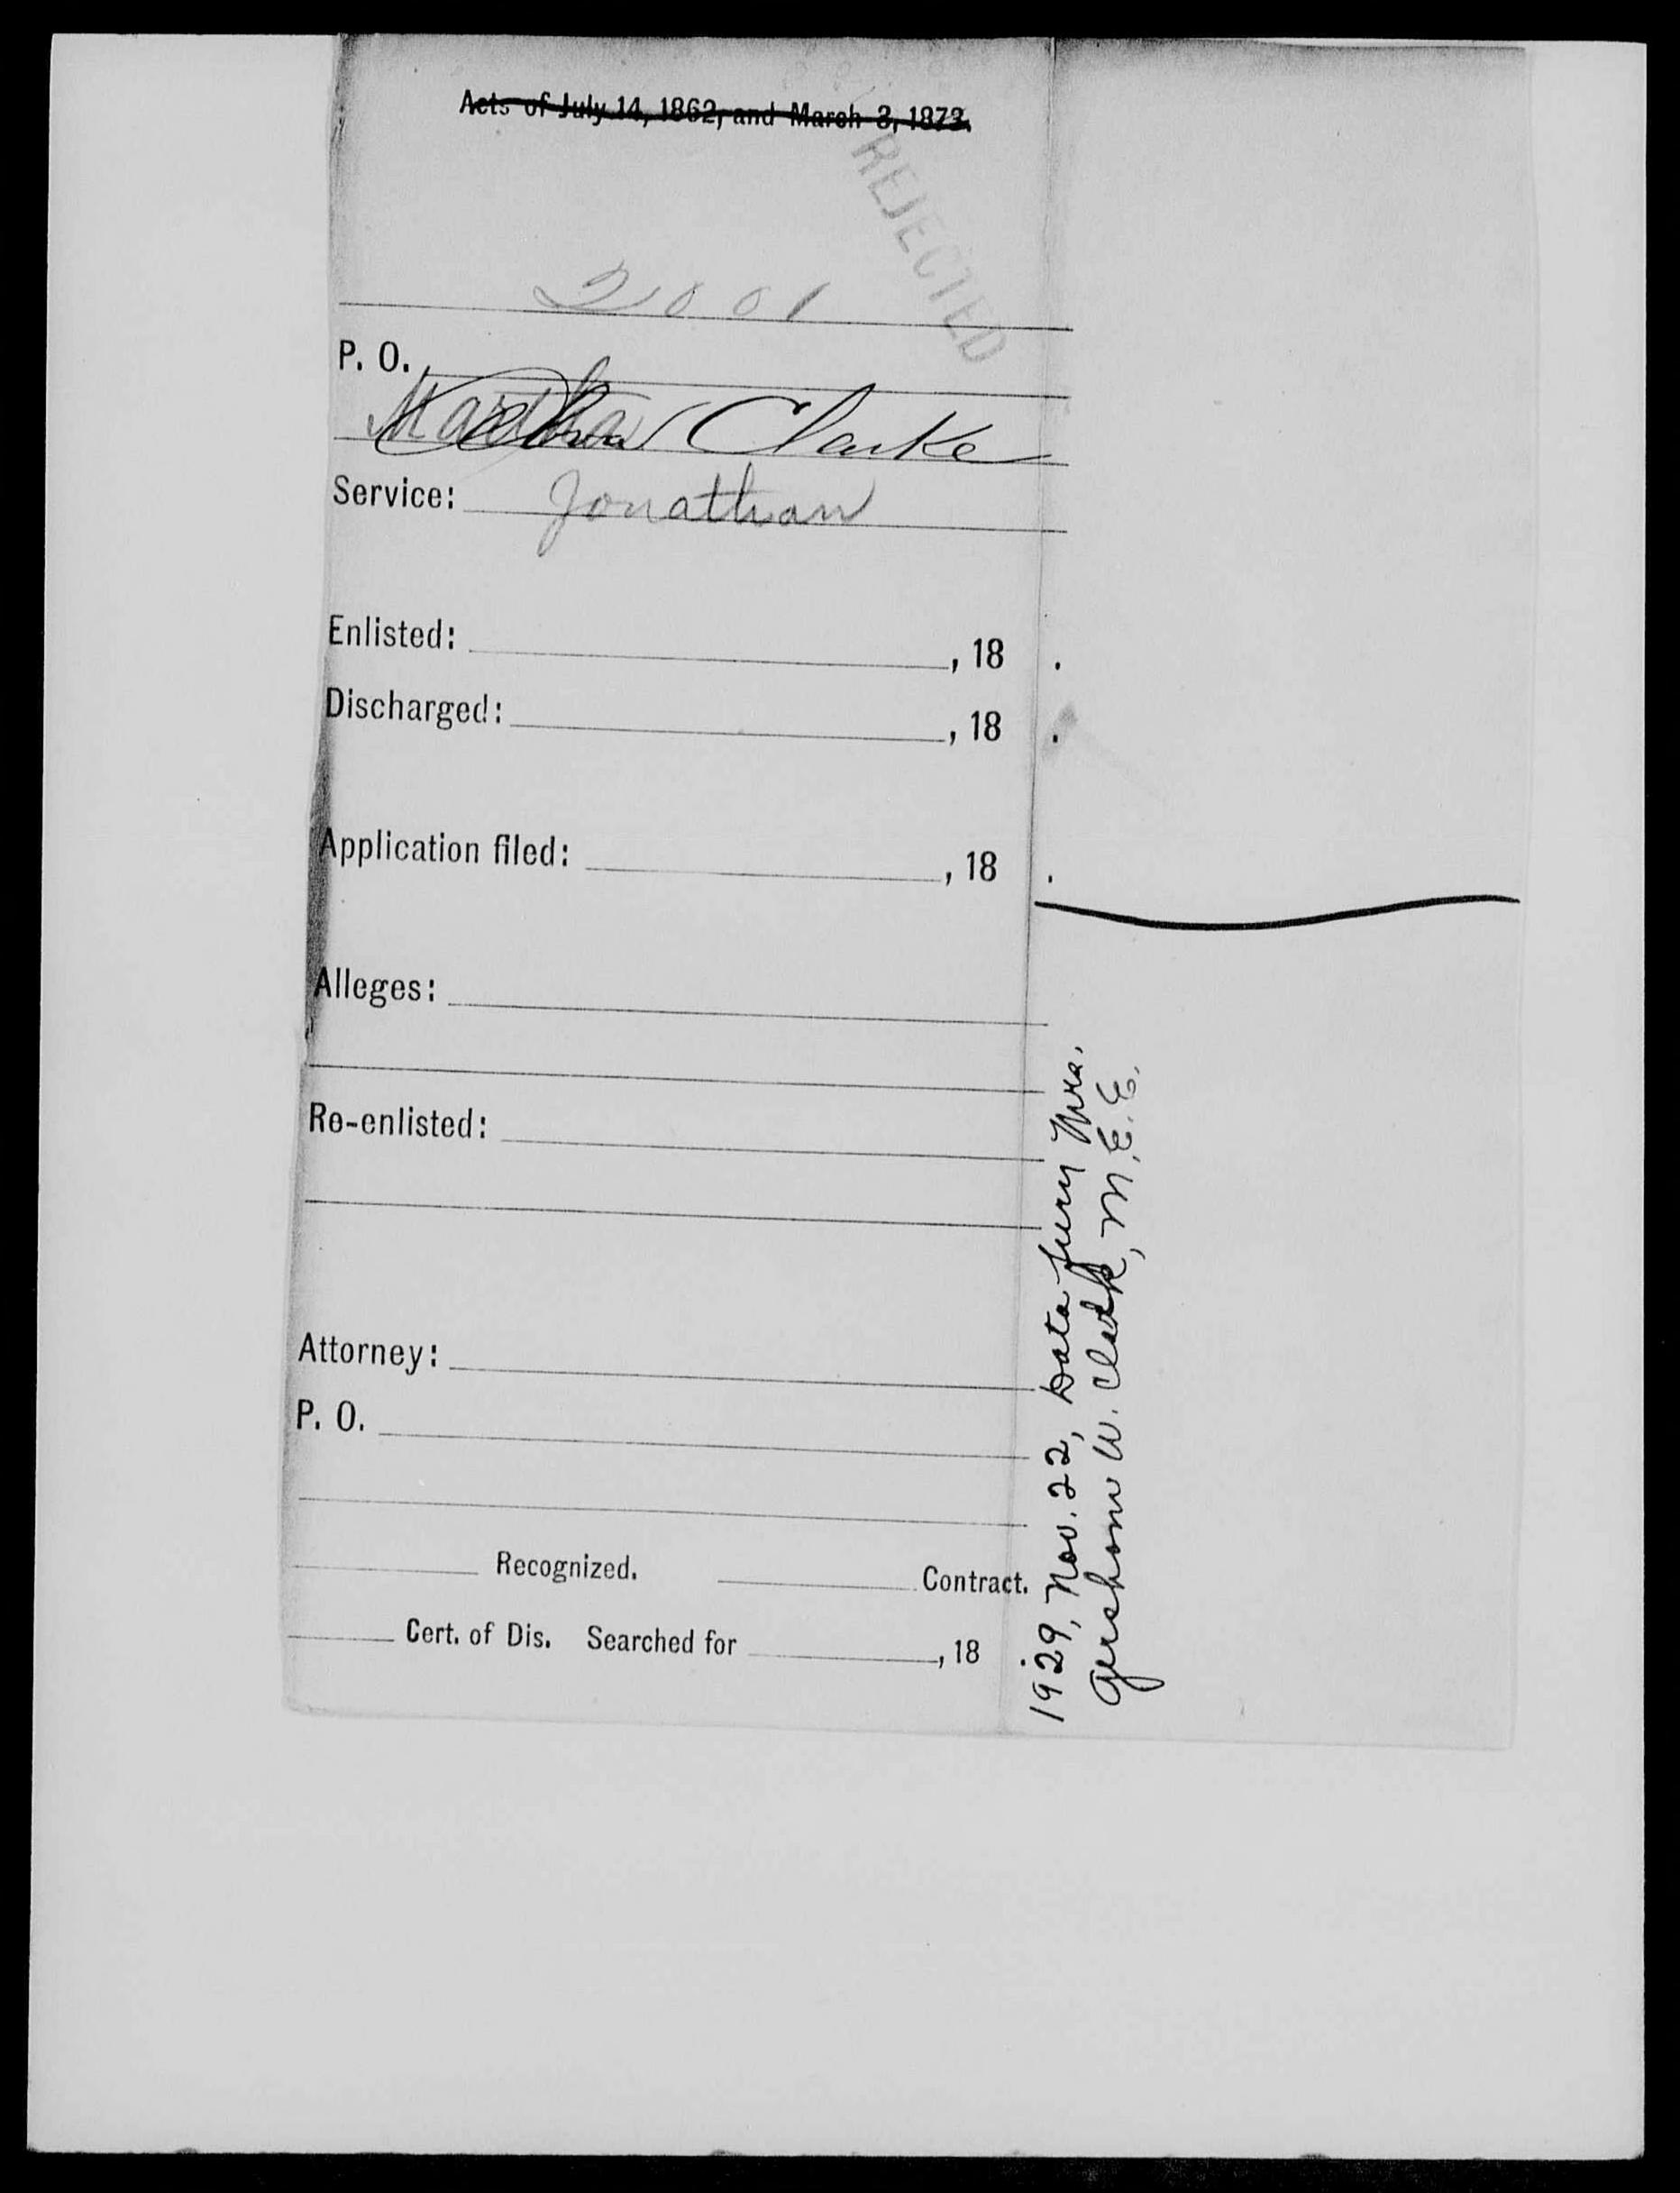Stamp:  Rejected
2001

P.O. Clarke
Service:  Jonathan

Right side note:
1929, Nov. 22, Data furn Mrs.
Gershom W. Clark, M.E.E.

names: Martha Clarke, Gershom W Clark, Jonathan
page: 9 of 26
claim: rejected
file: R. 2001, Jonathan Clark, Conn.